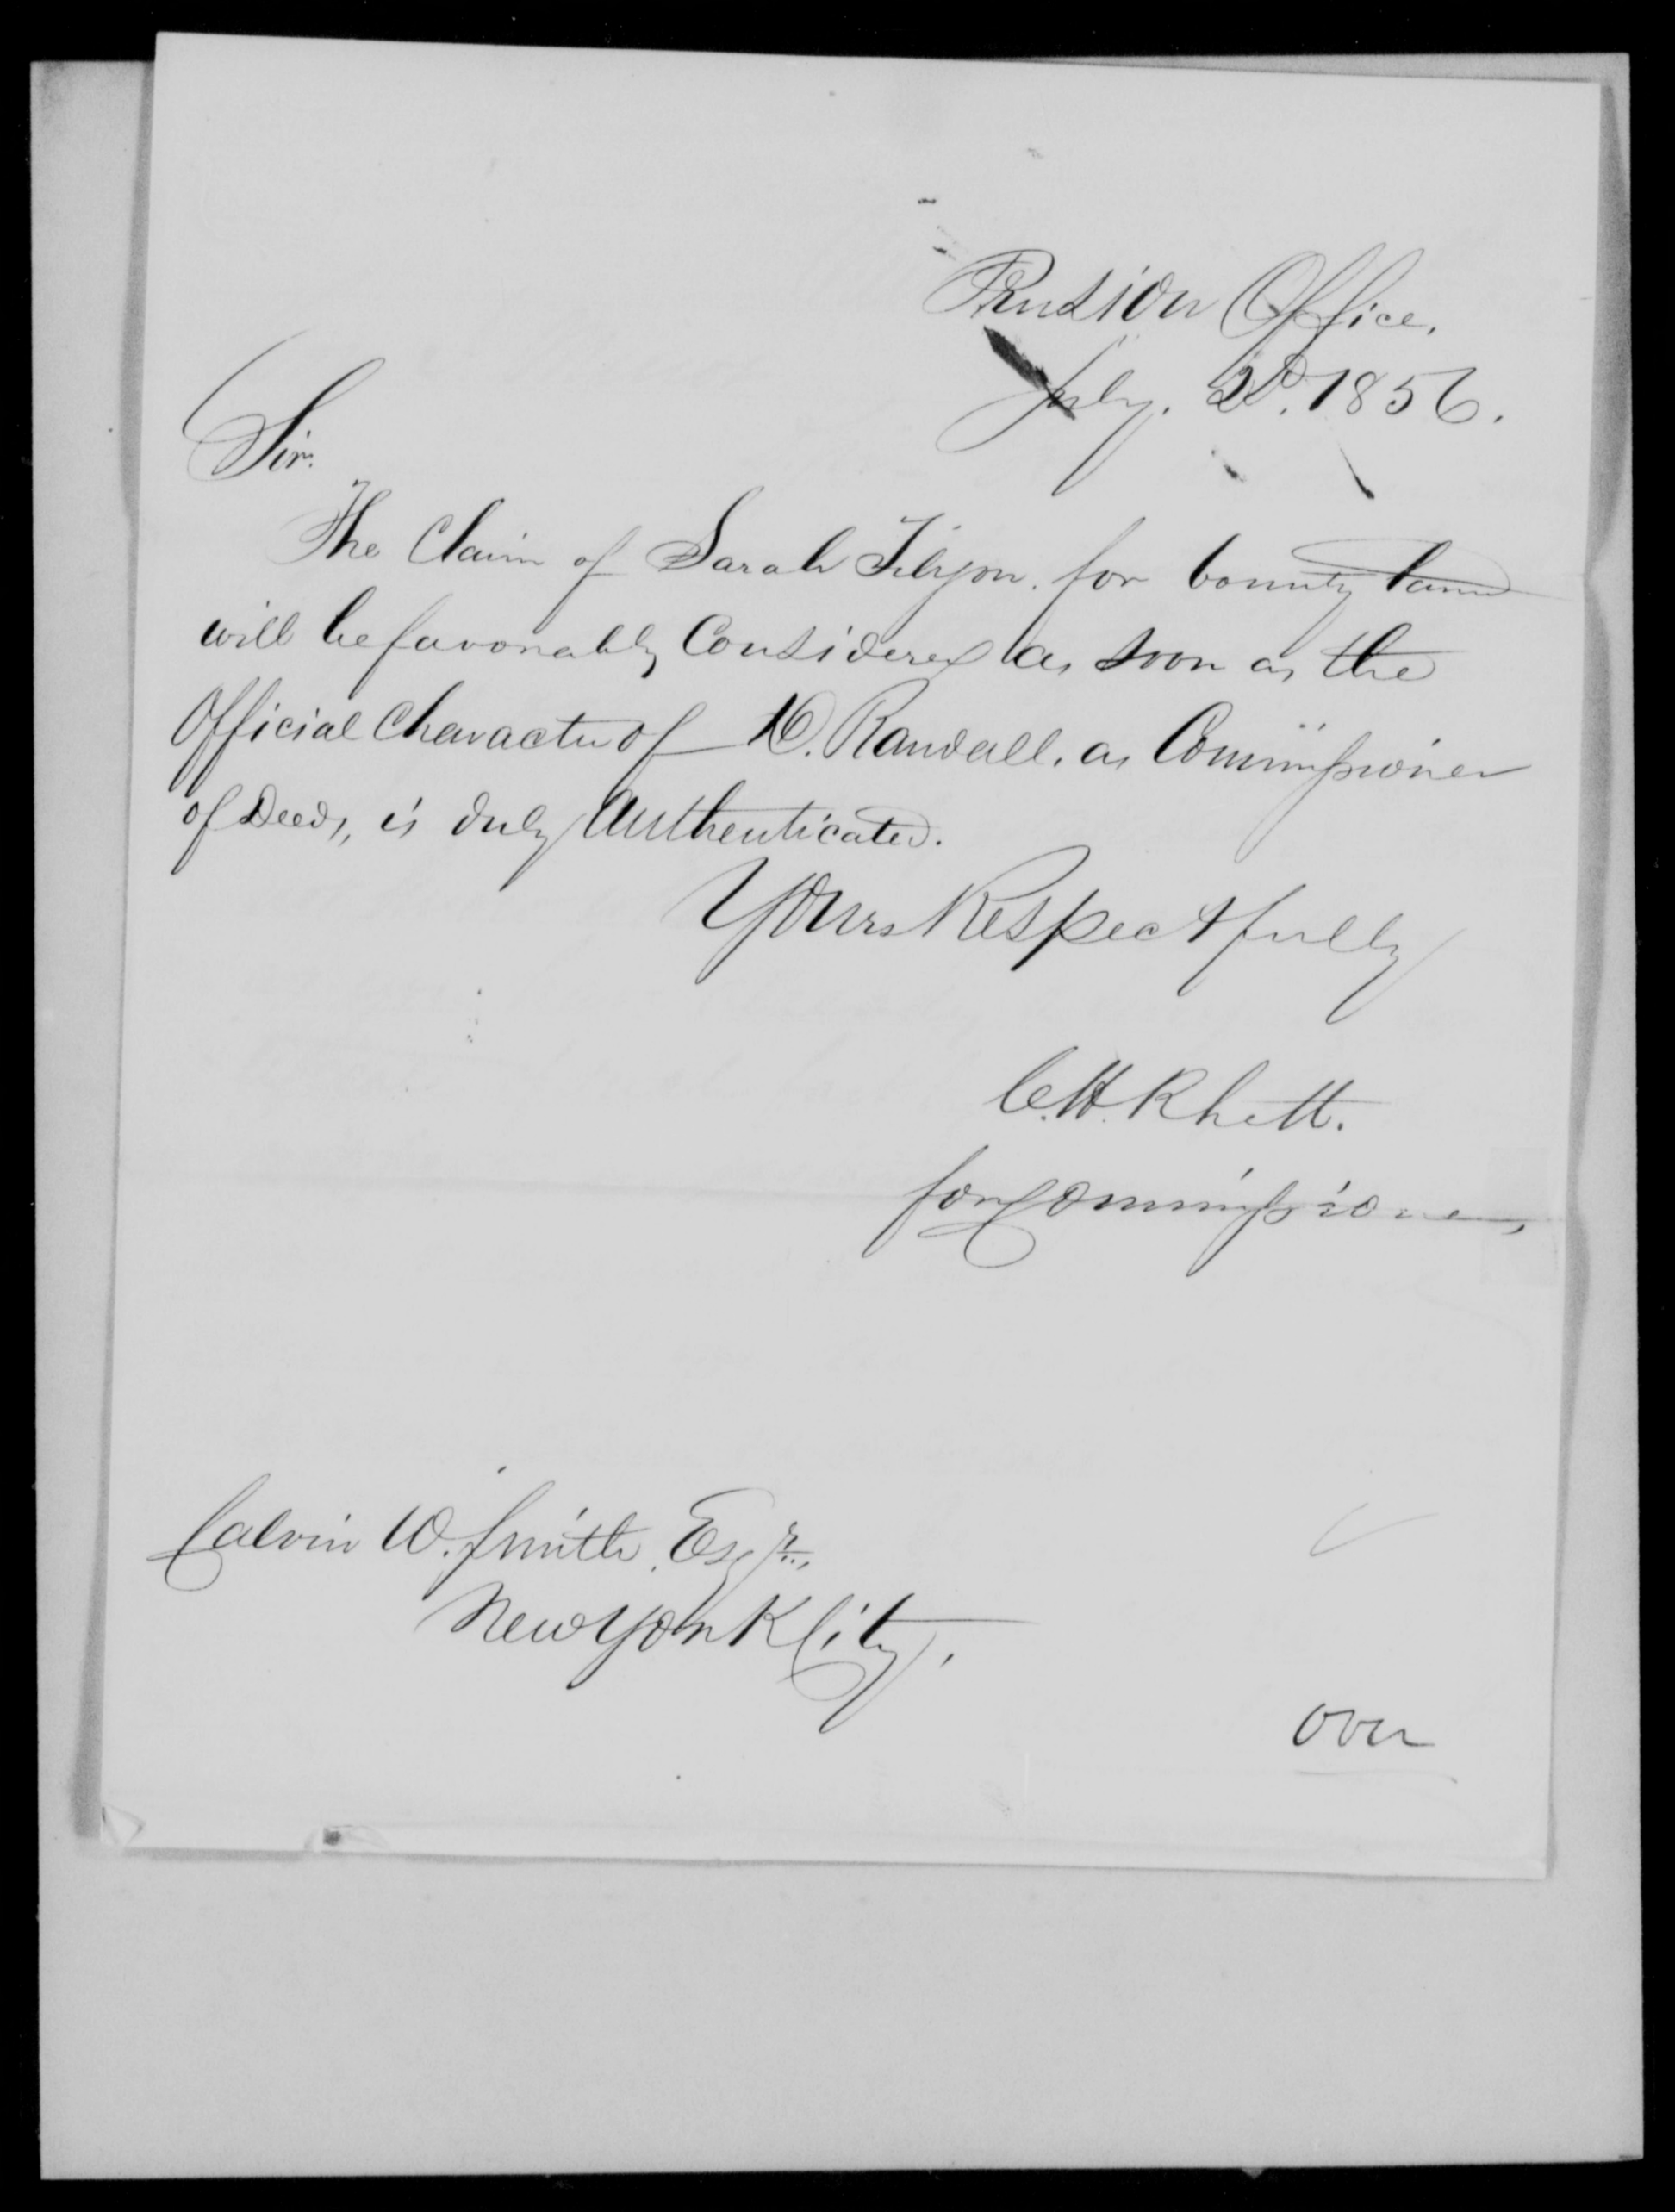Pension Office
July 2d 1856
Sir,
 The claim of Sarah Tilyou, for bounty land will be favorably considered as soon as the Official character of D. Randall as Commissioner of Deeds, is duly Authenticated.
  Yours Respectfully
 C.H.Rhett
 for Commissioner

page: 100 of 101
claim: widow's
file: W. 25481, for Peter V Tilyou, New Jersey